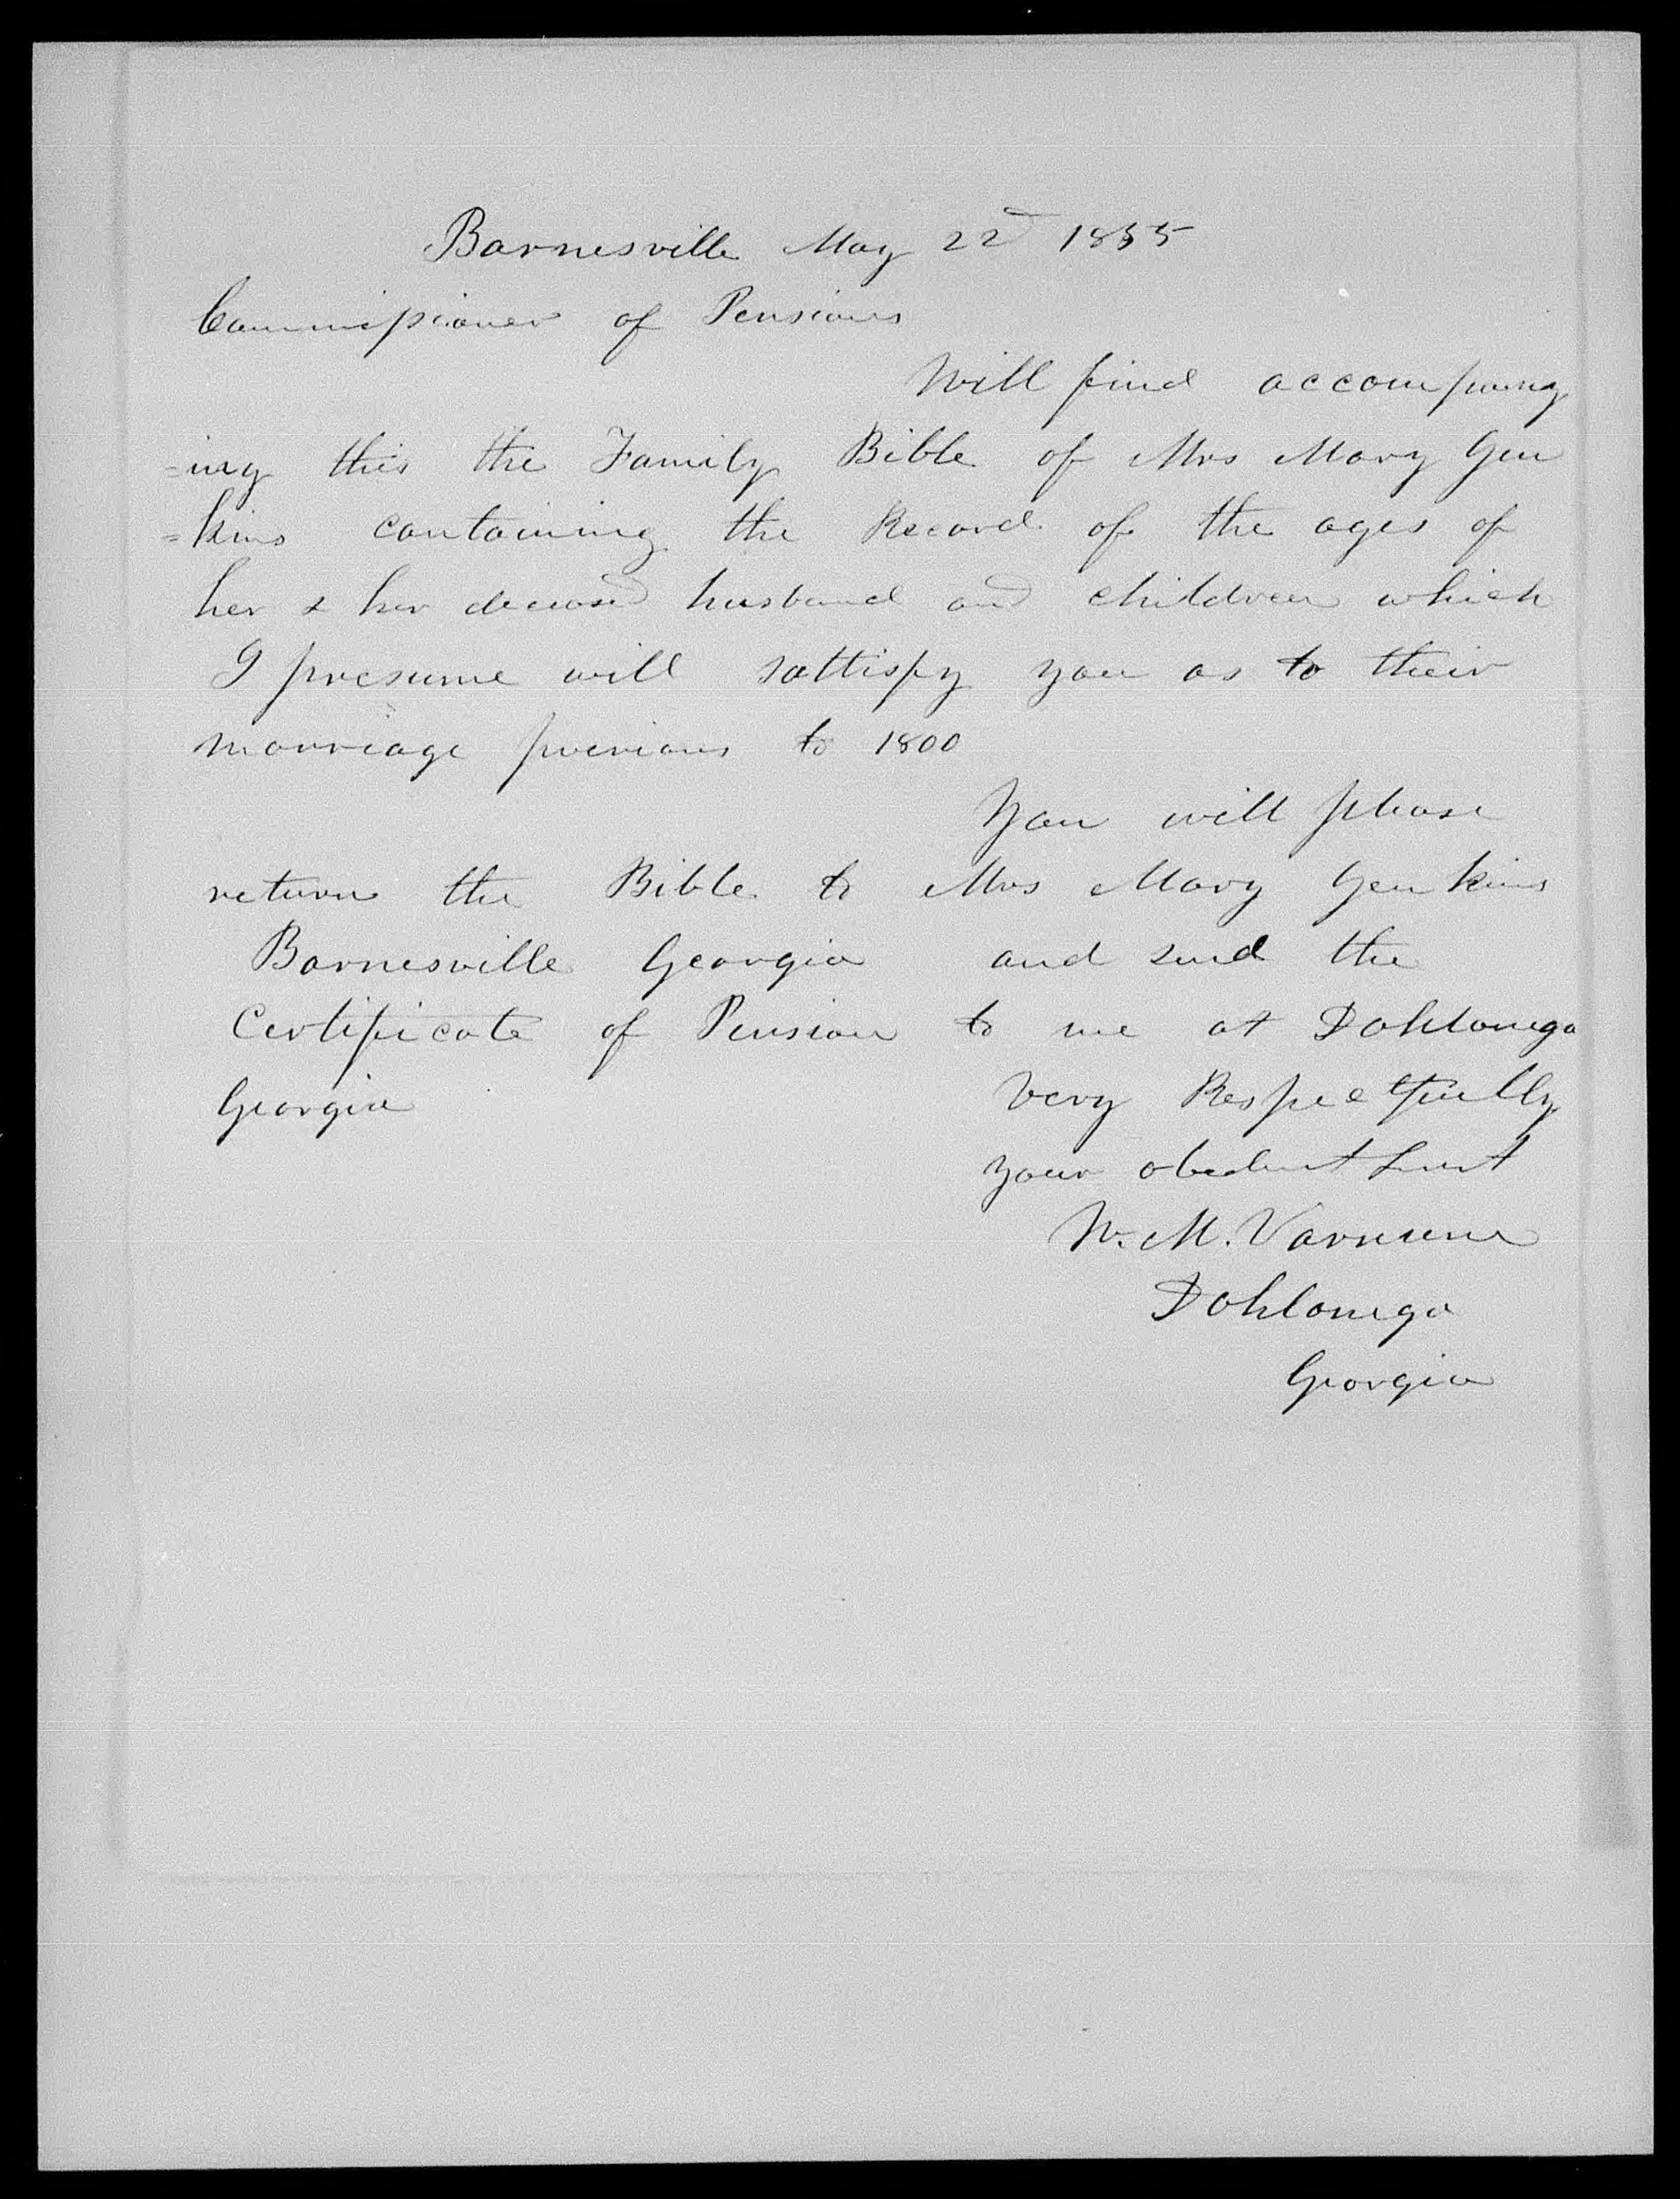Barnesville May 22 1855
Commissioner of Pensions
Will find accompanying this the Family Bible
of Mrs Mary Jenkins containing the Record of the ages of her & her deceased husband and children which I presume will sattisfy [satisfy] you as to their Marriage previous to 1800
You will please return the Bible to Mrs Mary Jenkins Barnesville Georgia and send the
certificate of Pension to me at Dahlonega
Georgia
Very Respectfully
your obedient hurt
W. M. Varnum
Dahlonega
Georgia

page: 34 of 55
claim: widow's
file: W. 7894, for John Jenkins, Virginia